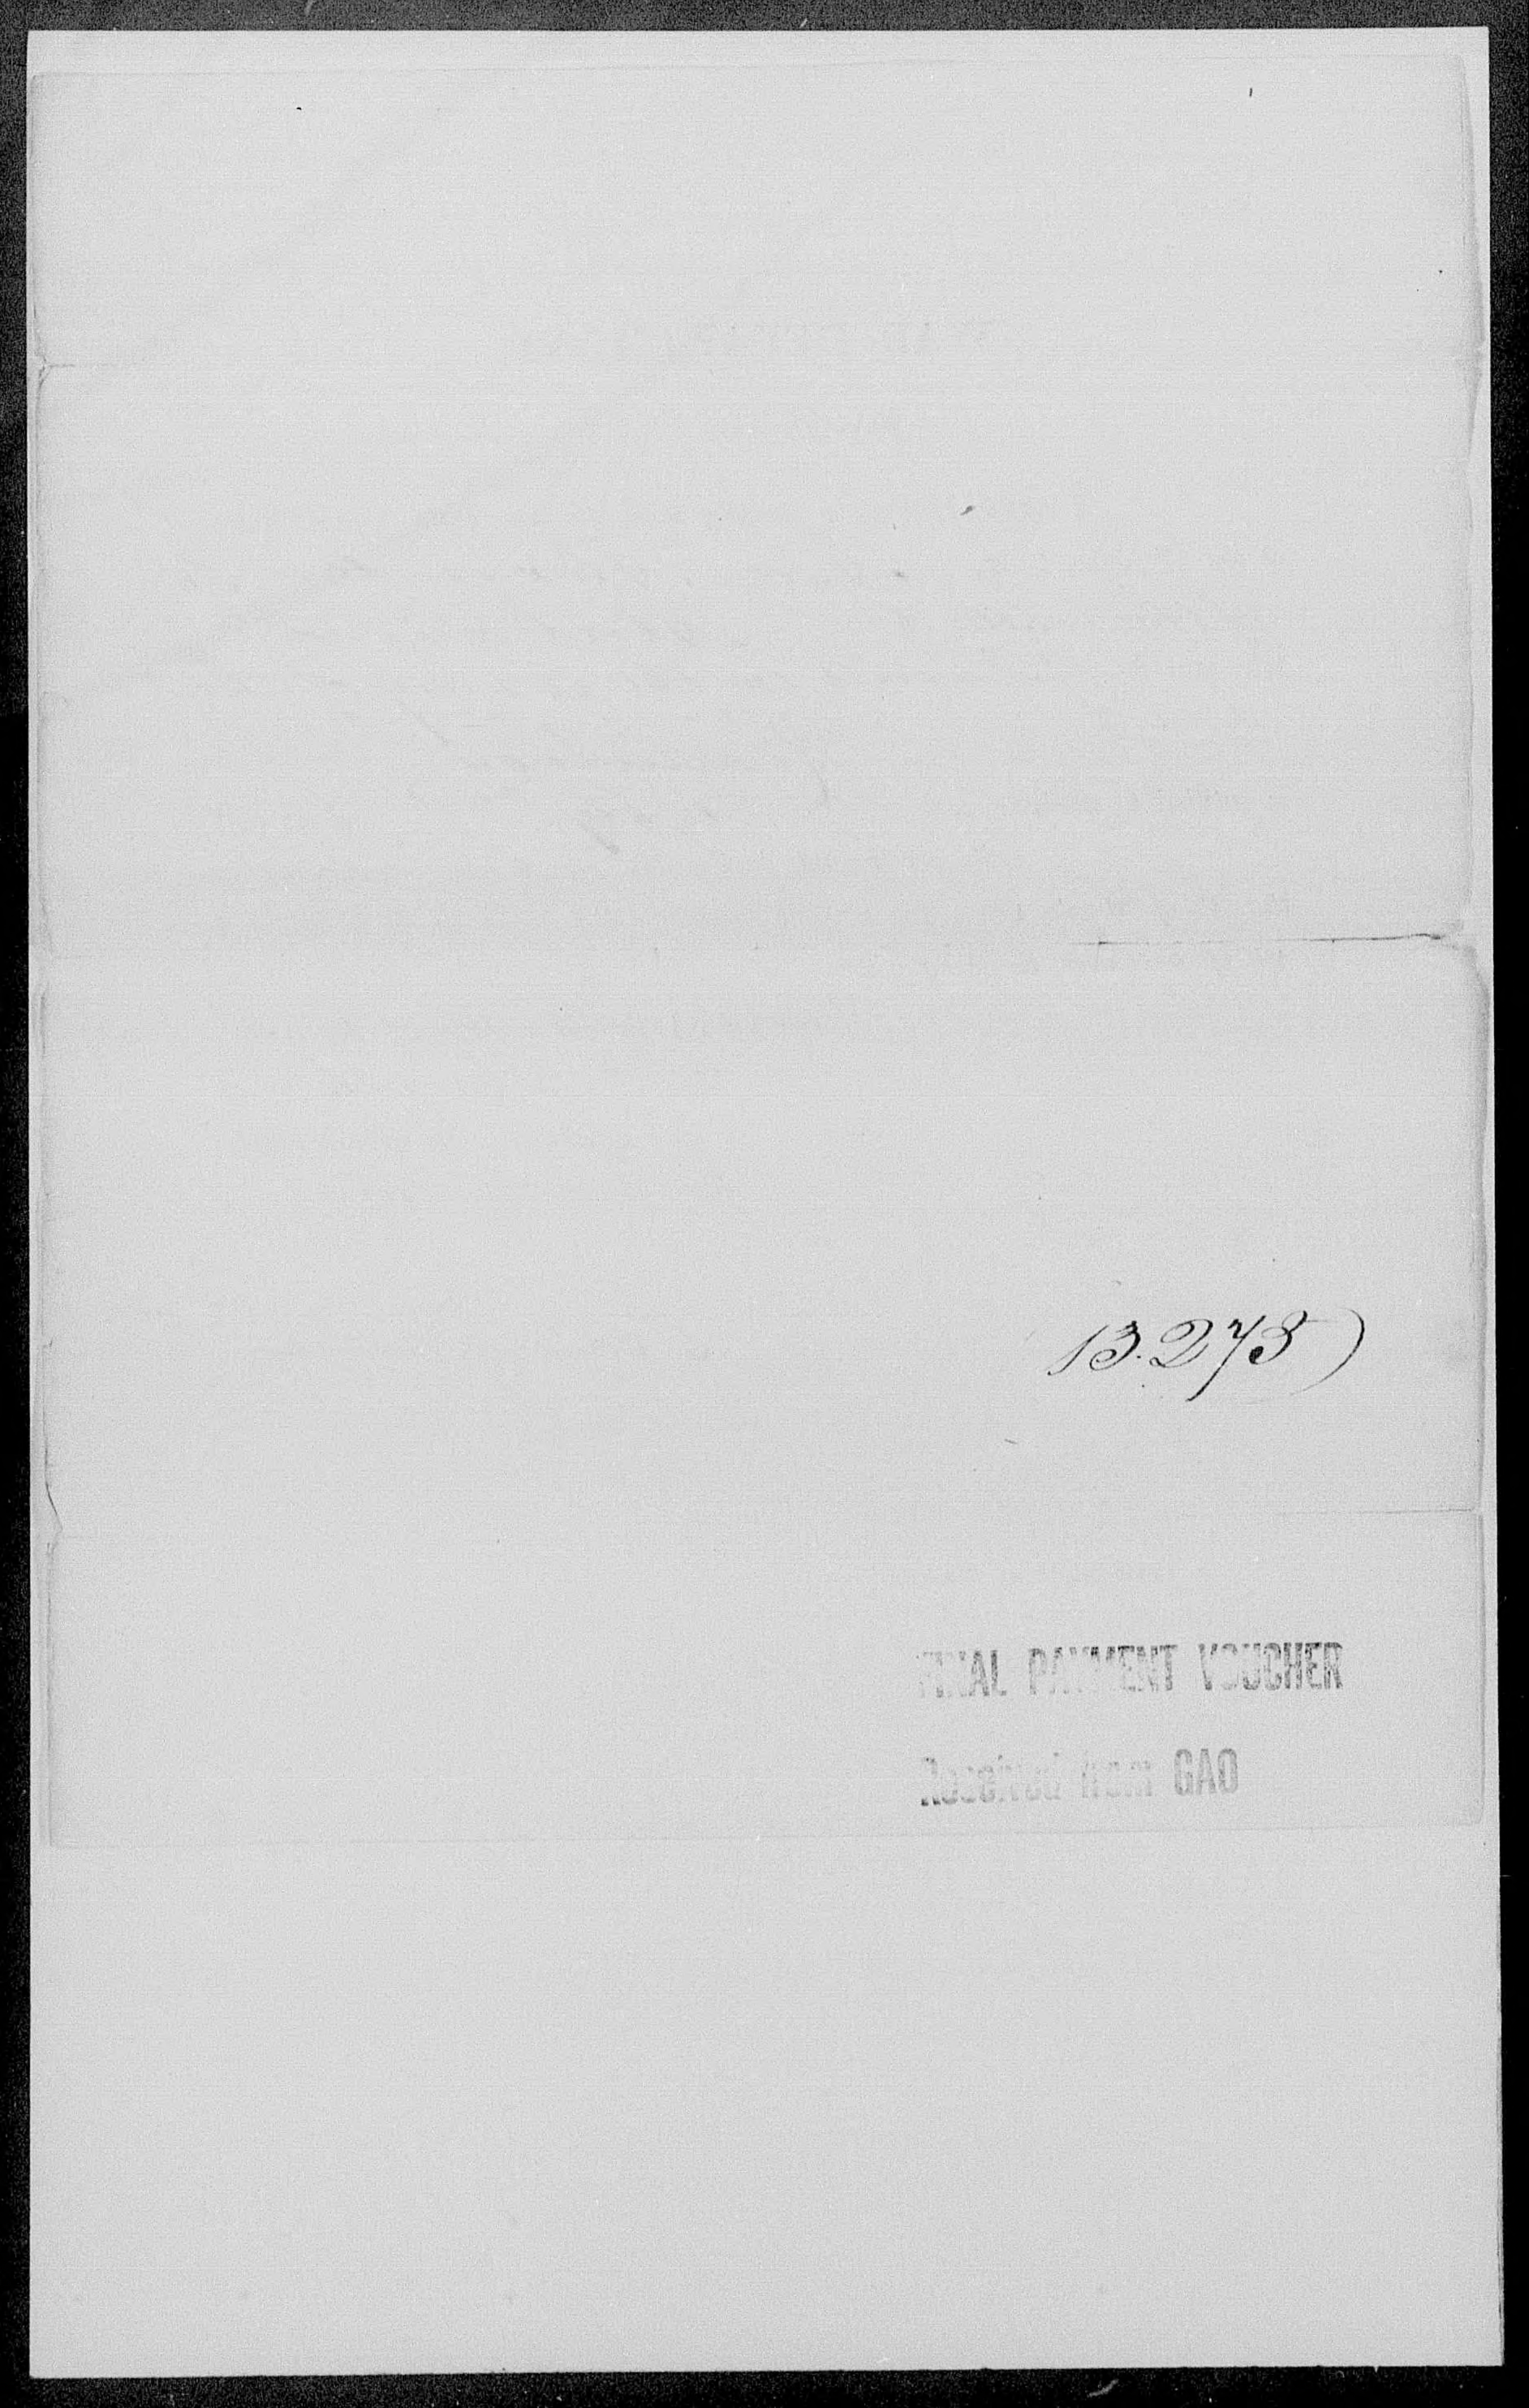13.248

Final Payment Voucher
Received from GAO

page: 14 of 35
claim: survivor's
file: S. 32092, Asa Alexander, Ga.